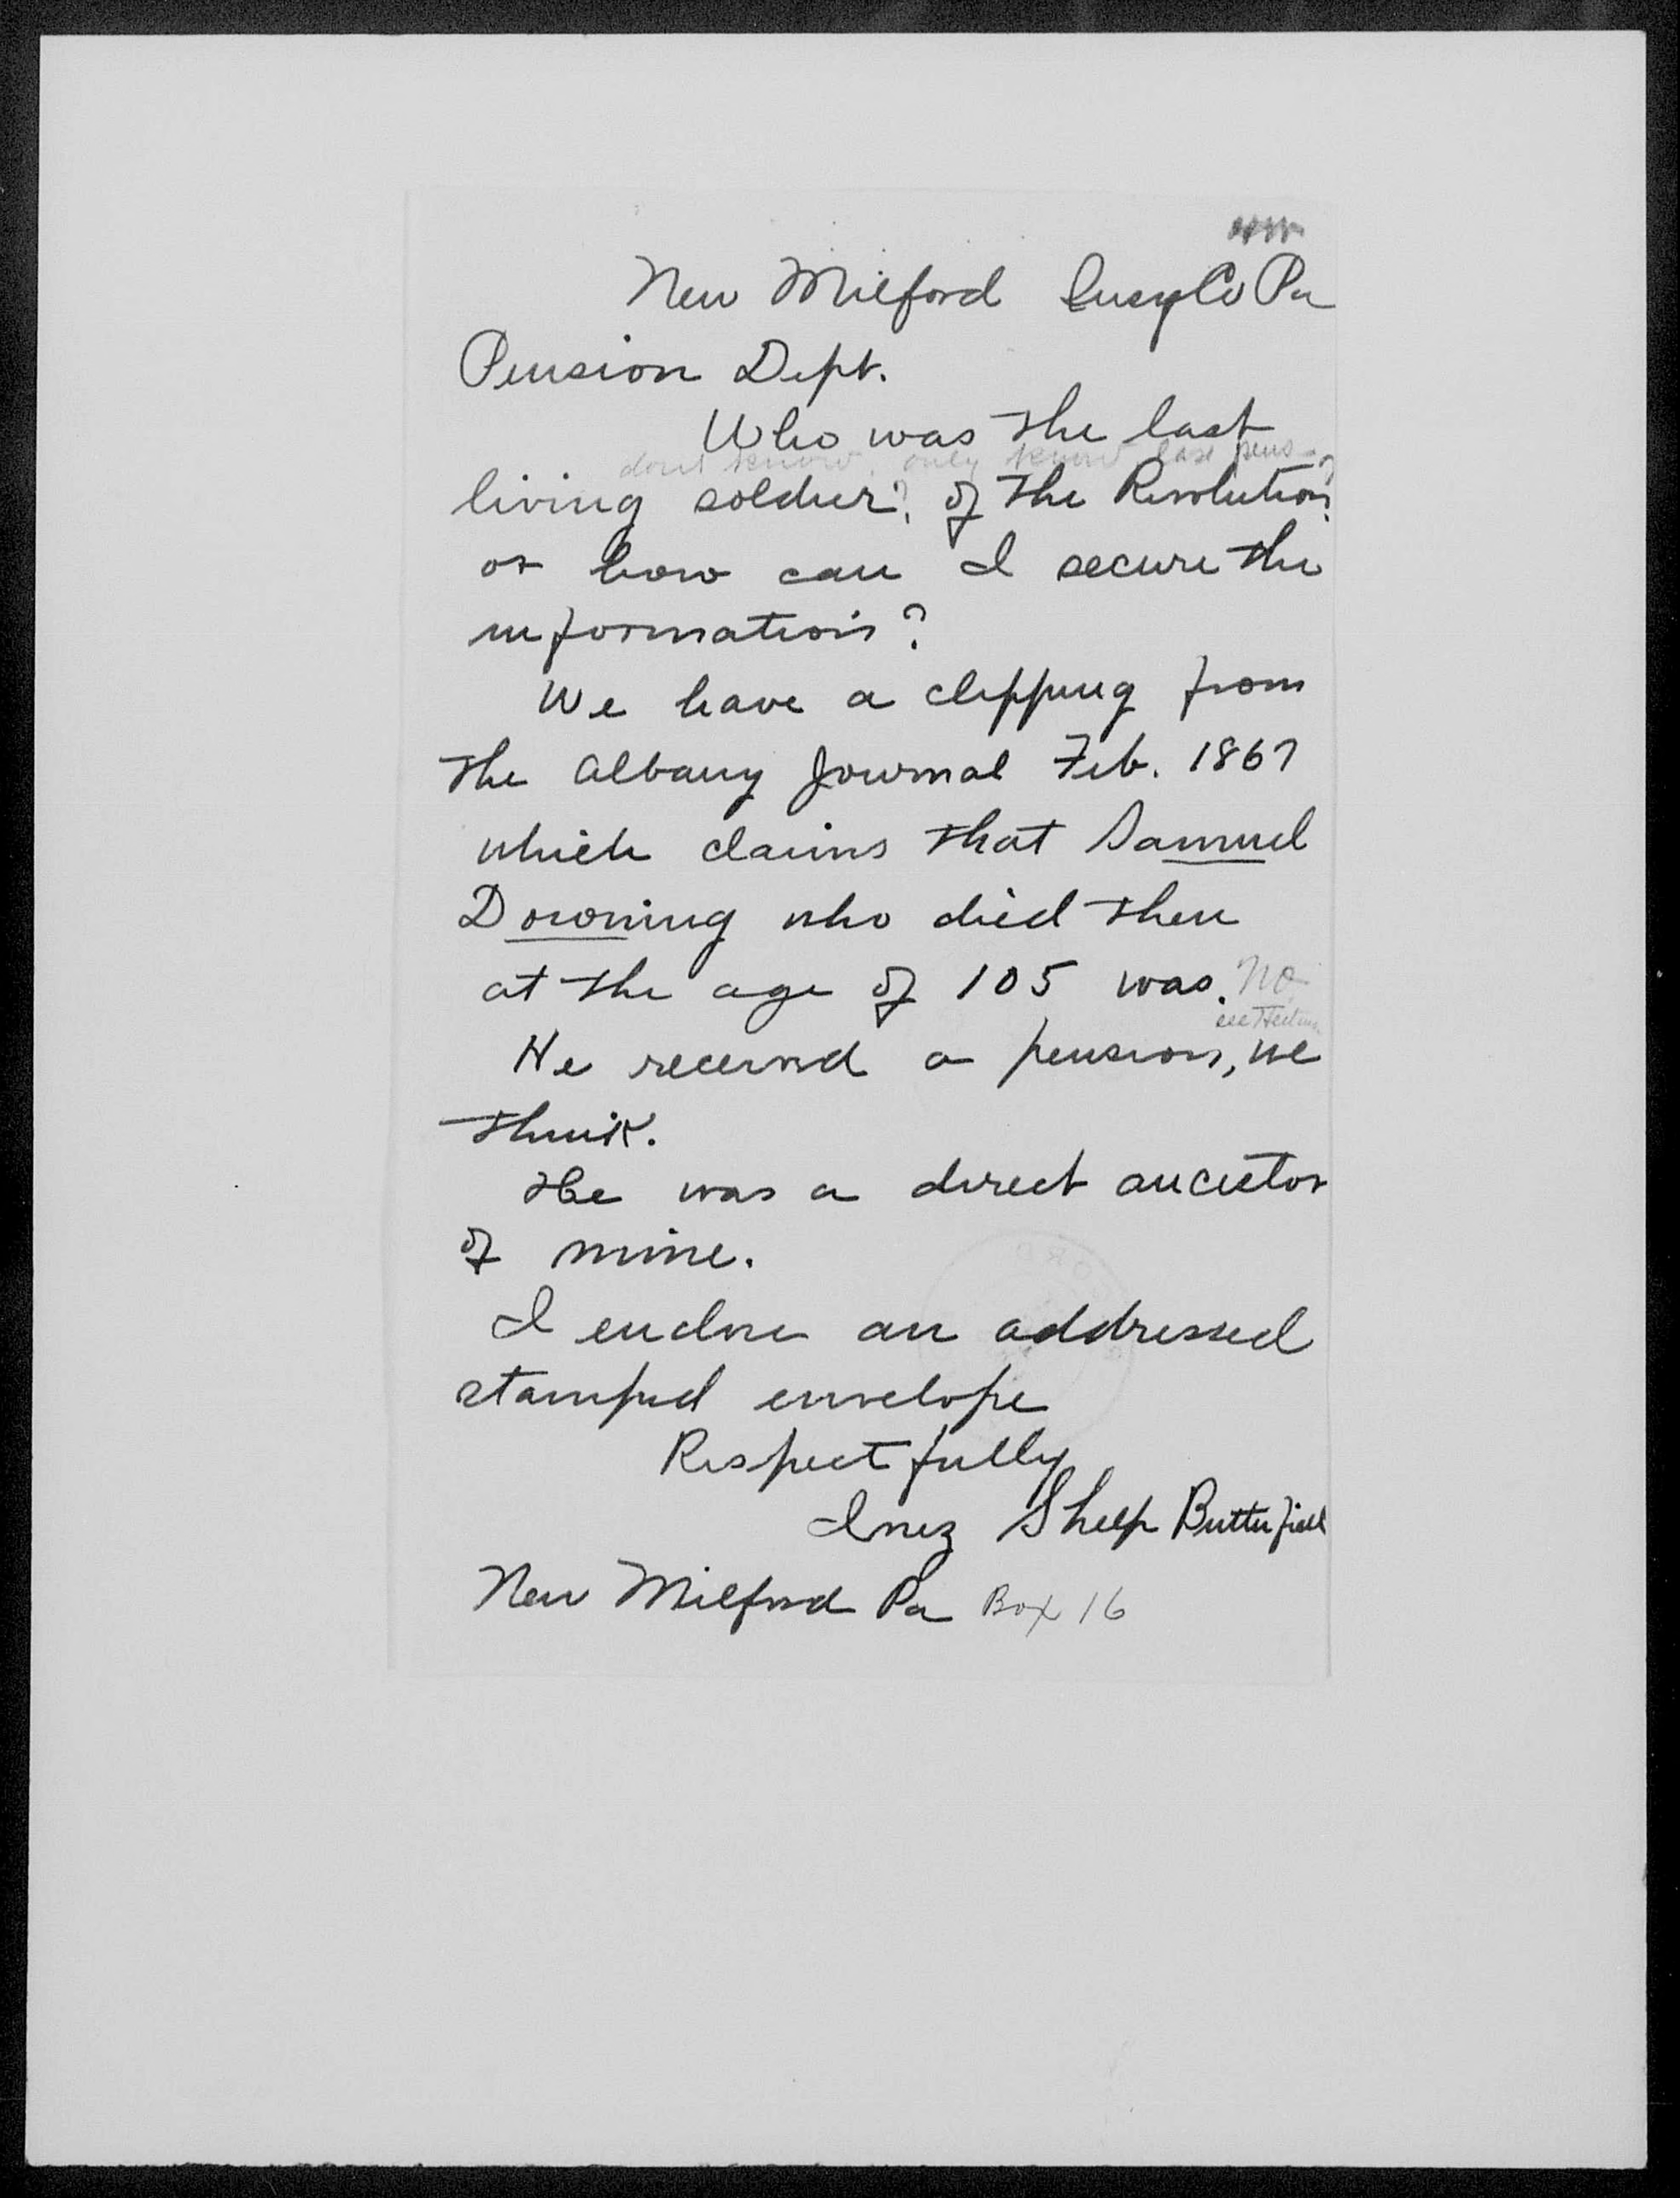New Milford SusqCo Pa
Pension Dept.
Who was the last living soldier of the Revolution or how can I secure this information?
We have a clipping from the Albany Journal Feb. 1867 which claims that Samuel Downing who died then at the age of died then at the age of 105 was. No see illegible. He received a pension, we think.
He was a direct ancestor of mine.
I enclose an addressed stamped envelope 
Respectfully 
Inez Sheep Butterfield
New Milford Pa Box 16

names: Inez Shelp Butterfield, Samuel Downing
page: 40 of 56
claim: survivor's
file: S. 40,055, Samuel Downing, N.H.